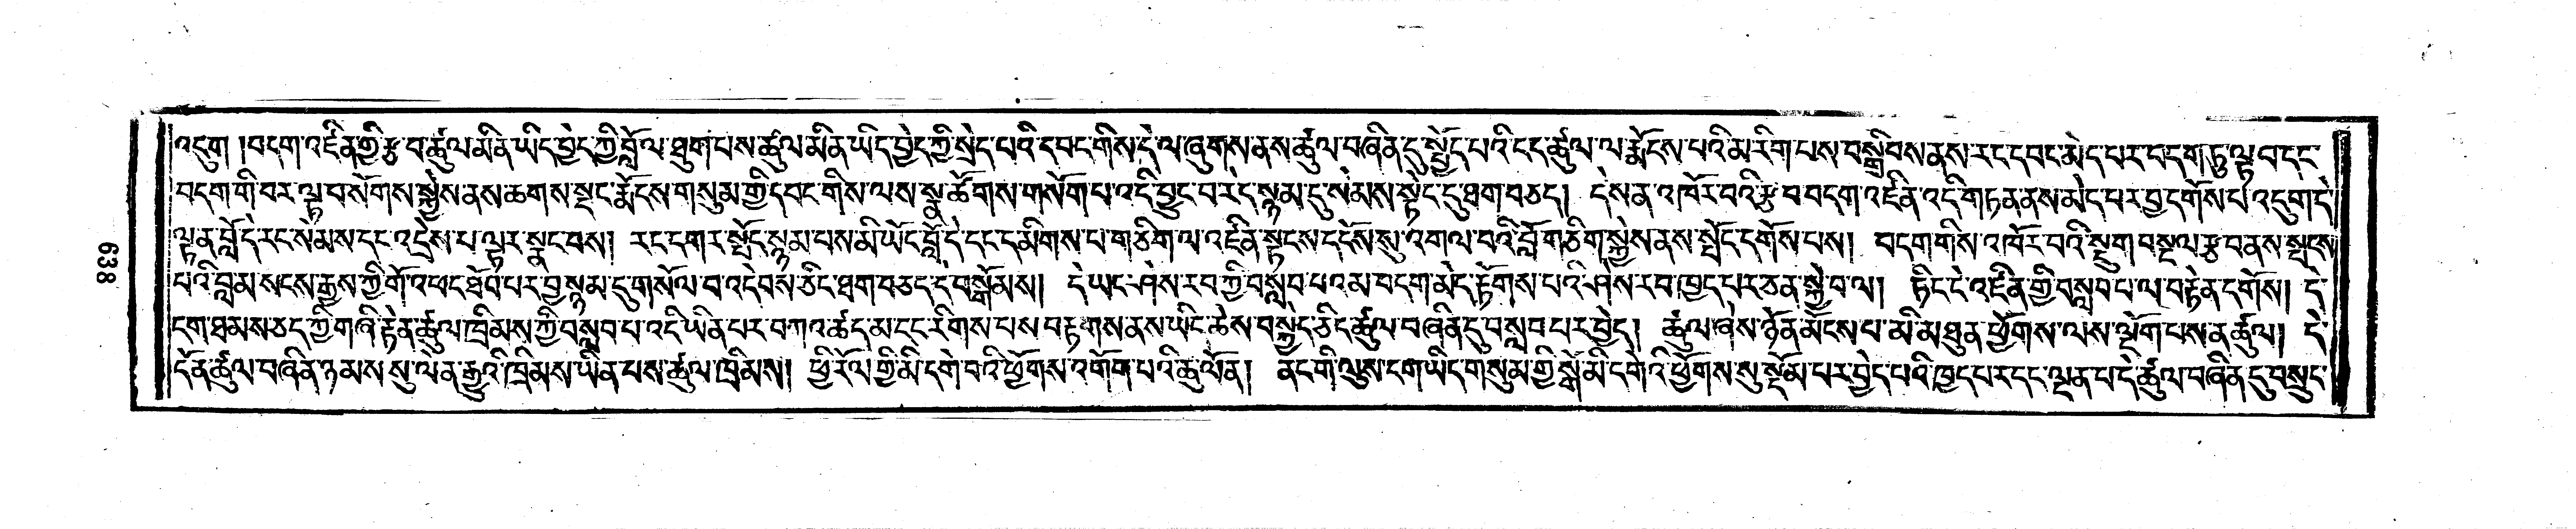འདུག །བདག་འཛིན་གྱི་རྩ་བ་ཚུལ་མིན་ཡིད་བྱེད་ཀྱི་བློ་ལ་ཐུག་པས་ཚུལ་མིན་ཡིད་བྱེད་ཀྱི་སྲེད་པའི་དབང་གིས་དེ་ལ་ཞུགས་ནས་ཚུལ་བཞིན་དུ་སྤྱོད་པའི་ངད་ཚུལ་ལ་རྨོངས་པའི་མ་རིག་པས་བསྒྲིབས་ནས་རང་དབང་མེད་པར་བདག་ཏུ་ལྟ་བ་དང་
བདག་གི་བར་ལྟ་བ་སོགས་སྐྱེས་ནས་ཆགས་སྡང་རྨོངས་གསུམ་གྱི་དབང་གིས་ལས་སྣ་ཚོགས་གསོག་པ་འདི་བྱུང་བ་རེད་སྙམ་དུ་སེམས་སྟེང་དུ་ཐག་བཅད། དེས་ན་འཁོར་བའི་རྩ་བ་བདག་འཛིན་འདི་གཏན་ནས་མེད་པར་བྱ་དགོས་པ་འདུག་དེ་
ལྟ་ན་བློ་དེ་རང་སེམས་དང་འདྲེས་པ་ལྟར་སྣང་བས། རང་དགར་སྤོང་སྙམ་པས་མི་ཡོང་བློ་དེ་དང་དམིགས་པ་གཅིག་ལ་འཛིན་སྟངས་དངོས་སུ་འགལ་བའི་བློ་གཅིག་སྐྱེས་ནས་སྤོང་དགོས་པས། བདག་གིས་འཁོར་བའི་སྡུག་བསྔལ་རྩ་བ་ནས་སྤངས་
པའི་བླ་མ་སངས་རྒྱས་ཀྱི་གོ་འཕང་ཐོབ་པར་བྱ་སྙམ་དུ་གསོལ་བ་འདེབས་ཅིང་ཐག་བཅད་དེ་བསྒོམས། དེ་ཡང་ཤེས་རབ་ཀྱི་བསླབ་པའམ་བདག་མེད་རྟོགས་པའི་ཤེས་རབ་ཁྱད་པར་ཅན་སྐྱེ་བ་ལ། ཏིང་ངེ་འཛིན་གྱི་བསླབ་པ་ལ་བརྟེན་དགོས། དེ་
དག་ཐམས་ཅད་ཀྱི་གཞི་རྟེན་ཚུལ་ཁྲིམས་ཀྱི་བསླབ་པ་འདི་ཡིན་པར་བཀའ་ཚད་མ་དང་རིགས་པས་བརྟགས་ནས་ཡིད་ཆེས་བསྐྱེད་ཅིང་ཚུལ་བཞིན་དུ་བསླབ་པར་བྱེད། ཚུལ་ཞེས་ཉོན་མོངས་པ་མི་མཐུན་ཕྱོགས་ལས་ལྡོག་པས་ན་ཚུལ། དེ་
དོན་ཚུལ་བཞིན་ཉམས་སུ་ལེན་རྒྱུའི་ཁྲིམས་ཡིན་པས་ཚུལ་ཁྲིམས། ཕྱི་རོལ་གྱི་མི་དགེ་བའི་ཕྱོགས་འགོག་པའི་ཆུ་ལོན། ནང་གི་ལུས་ངག་ཡིད་གསུམ་གྱི་སྒོ་མི་དགེའི་ཕྱོགས་སུ་སྡོམ་པར་བྱེད་པའི་ཁྱད་པར་དང་ལྡན་པ་དེ་ཚུལ་བཞིན་དུ་བསྲུང་